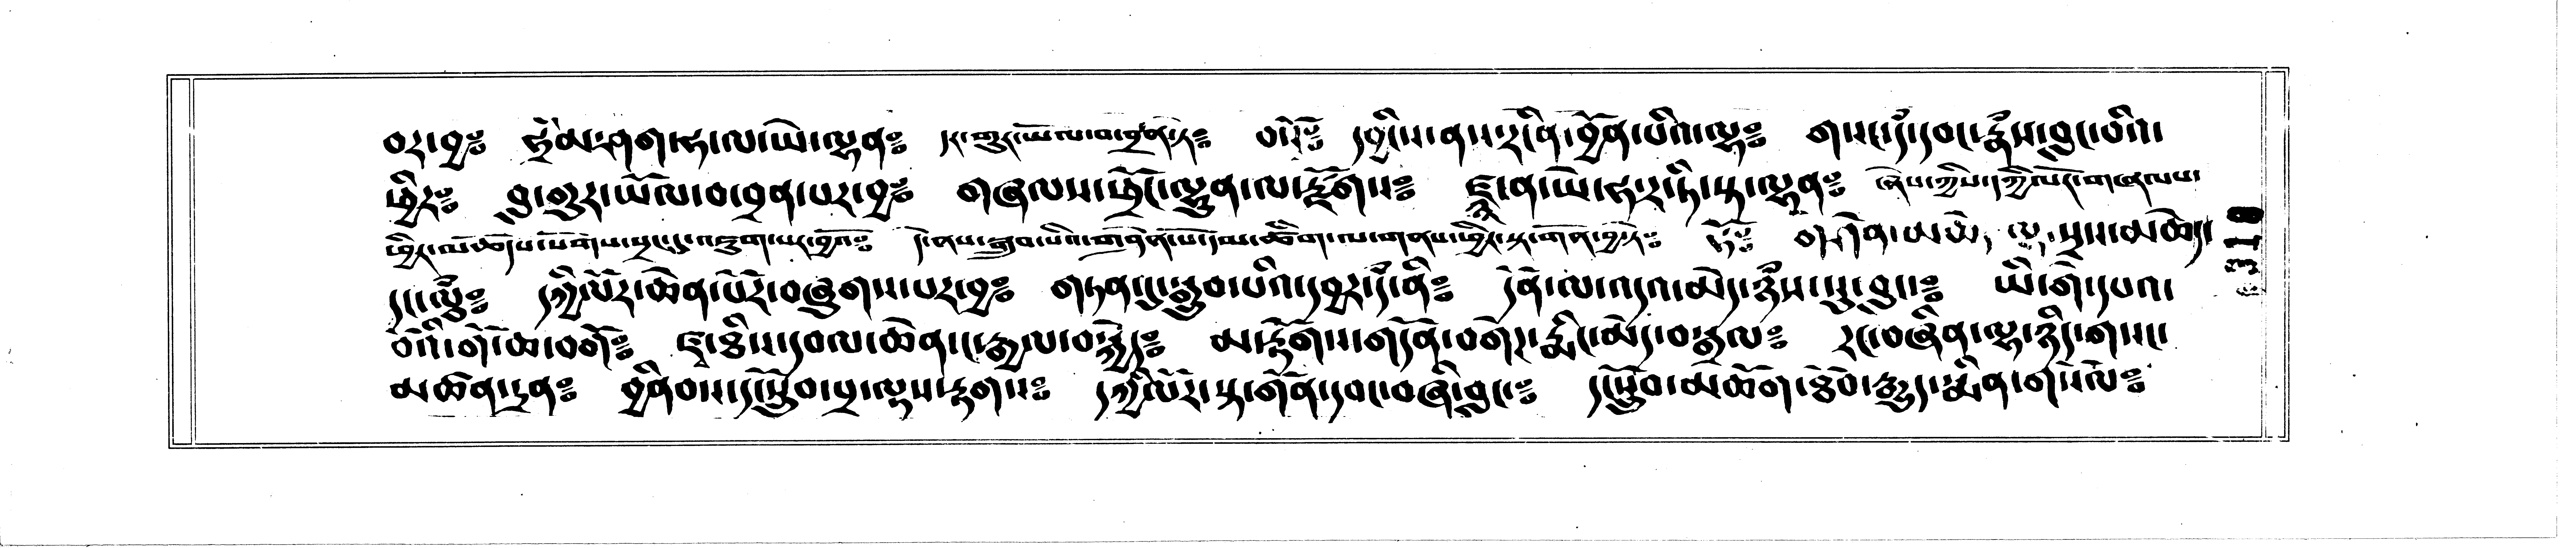བར་བྱ༔ ཧྲིམ་ཤག་ཧ་ལ་ཡེ་ལྷན༔ དར་གུར་ཡོལ་བ་བྲན་ཏེ༔ བསྭོ༔ དབྱིངས་ནས་རང་བཞིན་བྱོན་པའི་ལྷ༔ གསང་དམ་དབང་རྣམས་བླང་བའི་
ཕྱིར༔ བླ་གུར་ཡོལ་བ་བྲན་པར་བྱ༔ གཞལ་ཡས་ཕོ་བྲང་ལྷུན་ལ་རྫོགས༔ ཛྙ་ན་ཡེ་ཧ་ར་ཏི་སྟ་ལྷན༔ ཞེས་ཀྱིས་དཀྱིལ་འཁོར་གཞལ་ཡས་
ཕྱིར་མཆོད་རྫས་སོགས་སྲང་དུ་འཇུག་པར་བྱའོ༔ དེ་ནས་སྒྲུབ་པའི་གཤེན་པོ་དམ་ཚིག་ལ་གནས་ཕྱིར་སྟ་གོན་བྱ་སྟེ༔ ཧོ༔ གཤེན་མཆེད་ལྷ་སྲས་མཆེད་
དང་ལྕམ༔ དཀྱིལ་འཁོར་ཆེན་པོར་བཞུགས་པར་བྱ༔ གཏན་དུ་སྒྲུབ་པའི་དབྱར་དམ་ནི༔ དོན་ལ་འདའ་མེད་ཉམས་སུ་བླང་༔ ཡི་གེ་དཔའ་
བོའི་གོ་ཆ་བགོ༔ ཛྭ་ཐིས་དབལ་ཆེན་ང་རྒྱལ་བསྐྱེད༔་མ་རྟོགས་གདོན་བགེགས་རྨིང་མེད་བསྒྲལ༔ རང་བཞིན་ལྷ་ཉིད་གསང་
མཚན་དྲན༔ བྱིན་རླབས་དངོས་གྲུབ་པྲ་ལྟས་རྟགས༔ དཀྱིལ་འཁོར་སྟ་གོན་དབང་བཞི་བླང་༔ དངོས་གྲུབ་མཆོག་ཐོབ་རྒྱུད་སྨིན་གསོལ༔